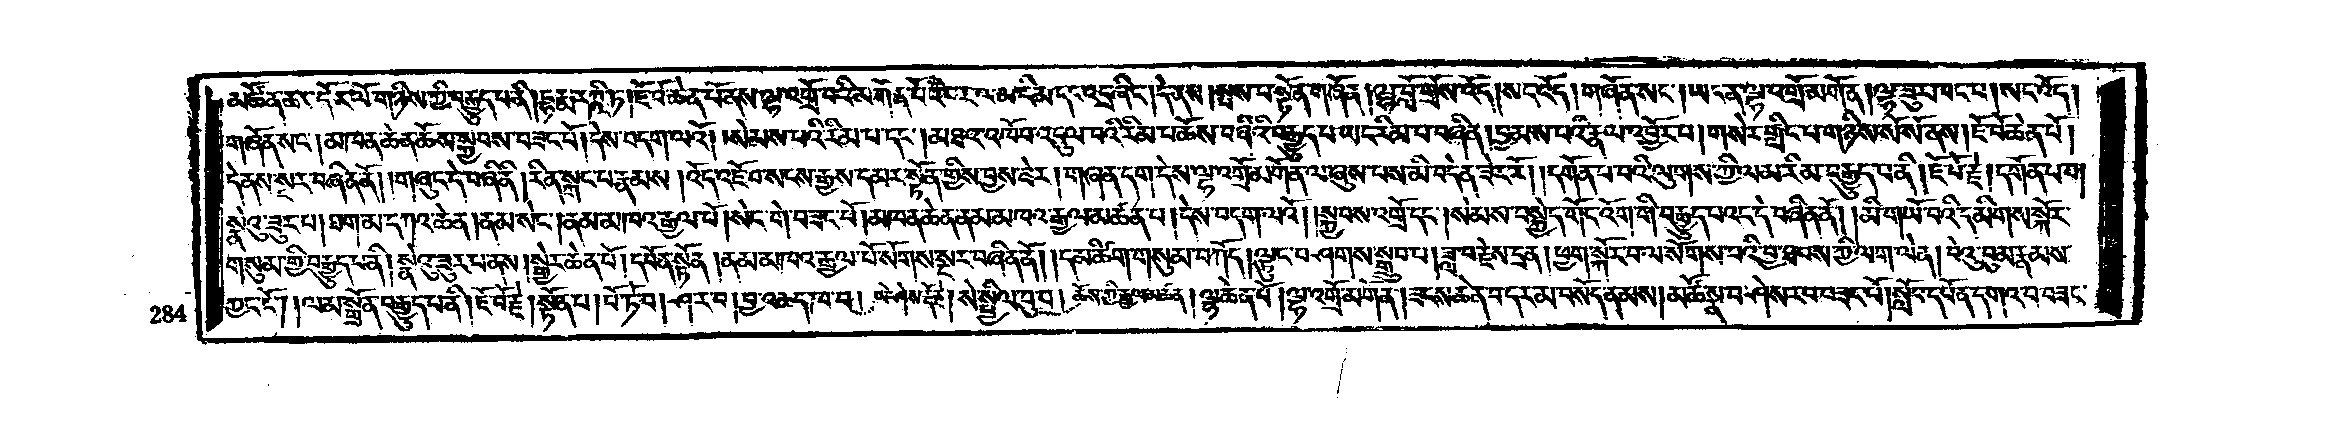མཚོན་ཆ་འདོར་?་ལོ་གཉིས་ཀྱི་བརྒྱུད་པ་ནི། དྷརྨ་རཀྵི་ཏ། ཇོ་བོ་ཆེན་པོ་ནས་ལྷ་འགྲོ་བའི་མགོན་པོའི་བར་ལམ་རིམ་?་དང་འདྲ་ཞིང་། དེ་ནས། སྤས་པ་སྟོན་གཞོན། ལྷ་བློ་གྲོས་འོད། སང་འོད། གཞོན་སང་། ཡང་ན་ལྷ་འགྲོ་མགོན། ལྷ་ཟུར་ཁང་པ། སང་འོད།
གཞོན་སང་། མཁན་ཆེན་ཆོས་སྐྱབས་བཟང་པོ། དེས་བདག་ལའོ། །སེམས་པའི་རིམ་པ་དང་། མཐའ་འཁོབ་འདུལ་བའི་རིམ་པ་ཆོས་བཞིའི་བརྒྱུད་པ་ཡང་རིམ་པ་བཞིན། བྱམས་པའི་རྣལ་འབྱོར་བ། གསེར་གླིང་པ་གཉིས་སོ་སོ་ནས། ཇོ་བོ་ཆེན་པོ།
དེ་ནས་སྔར་བཞིན་ནོ། །གཞུང་དེ་བཞི་ནི། རིན་སྒང་པ་རྣམས། འོད་འཇོ་བ་སངས་རྒྱས་དམར་སྟོན་གྱིས་བྱས་ཟེར། གཞན་དག་དེས་ལྷ་འགྲོ་མགོན་ལ་ཞུས་པས་མི་བདེན་ཟེར་རོ། །དགོན་པ་བའི་ལུགས་ཀྱི་ལམ་རིམ་བརྒྱུད་པ་ནི། ཇོ་པོ་རྗེ། དགོན་པ་བ?།
སྣེའུ་ཟུར་པ། ཐག་མ་དཀའ་ཆེན། ནམ་སེང་། ནམ་མཁའ་རྒྱལ་པོ། སེང་གེ་བཟང་པོ། མཁན་ཆེན་ནམ་མཁའ་རྒྱལ་མཚན་པ། དེས་བདག་ལའོ། །སྐྱབས་འགྲོ་དང་། སེམས་བསྐྱེད་གོང་འོག་གི་བརྒྱུད་པའང་དེ་བཞིན་ནོ། །མི་གཡོ་བའི་དམིགས་སྐོར་
གསུམ་གྱི་བརྒྱུད་པ་ནི། སྣེའུ་ཟུར་པ་ནས། སྒྱེར་ཆེན་པོ། དབོན་སྟོན། ནམ་མཁའ་རྒྱལ་པོ་སོགས་སྔར་བཞིན་ནོ། །དམ་ཚིག་གསུམ་བཀོད། ལྟུང་བཤགས་སྒྲུབ་པ། ཟླ་བ་རྗེས་དྲན། ཕྱག་སྐོར་བ་ལ་སོགས་པའི་བྱ་ཐབས་ཀྱི་ལག་ལེན། བེའུ་བུམ་རྣམས་
ཀྱང་ངོ། །ལམ་སྒྲོན་བརྒྱུད་པ་ནི། ཇོ་བོ་རྗེ། སྟོན་པ། པོ་ཏོ་བ། ཤ་ར་བ། བྱ་འཆད་ཁ་བ། ཡེ་ཤེས་རྡོ་རྗེ་སེ་སྤྱིལ་བུ་བ། ཆོས་ཀྱི་རྒྱལ་མཚན།  ལྷ་ཆེན་པོ། ལྷ་འགྲོ་མགོན། ཟངས་ཆེན་བ་དར་མ་བསོད་ནམས། མཚོ་སྣ་བ་ཤེས་རབ་བཟང་པོ། སློབ་དཔོན་དགའ་བ་བཟང་